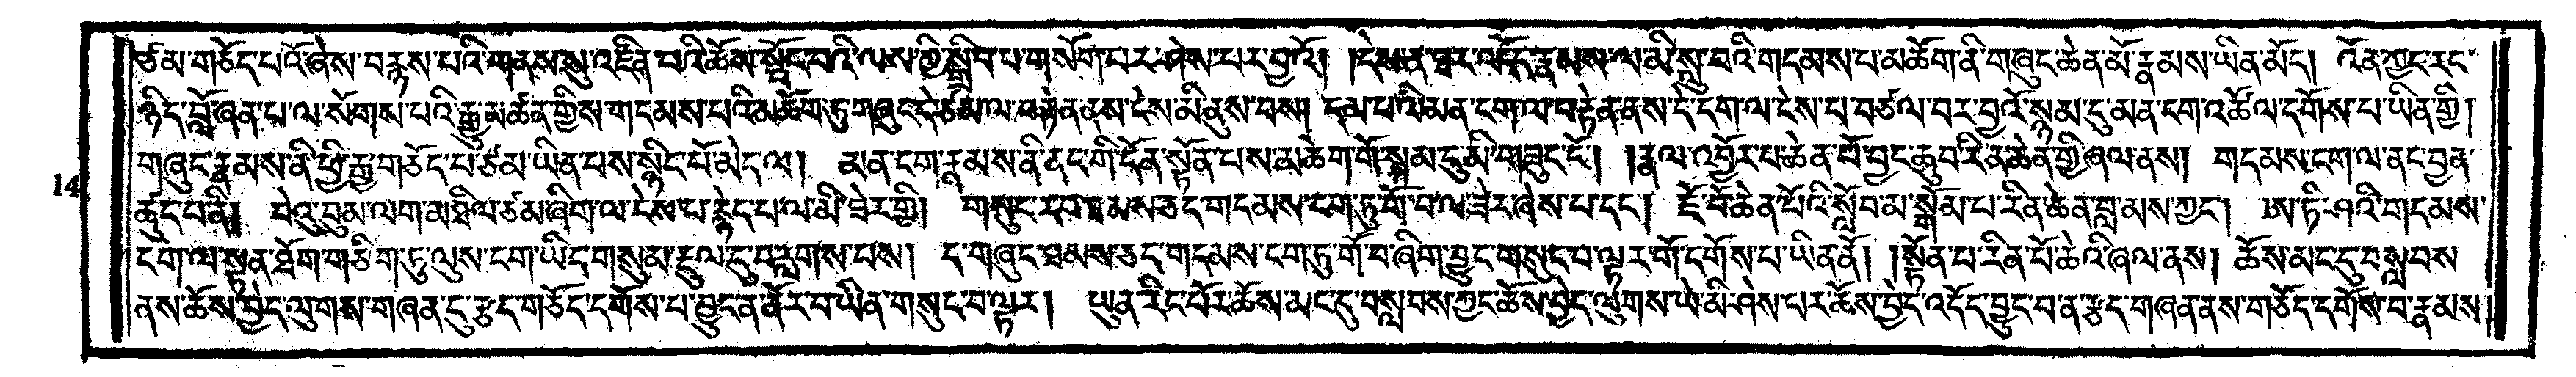ཙམ་གཅོད་པའོ་ཞེས་བརྙས་པའི་གནས་སུ་འཛིན་བའི་ཆོས་སྤོང་བའི་ལས་ཀྱི་སྒྲིབ་པ་གསོག་པར་ཤེས་པར་བྱའོ། །དེས་ན་ཐར་འདོད་རྣམས་ལ་མི་སླུ་བའི་གདམས་པ་མཆོག་ནི་གཞུང་ཆེན་མོ་རྣམས་ཡིན་མོད་། འོན་ཀྱང་རང་
ཉིད་བློ་ཞན་པ་ལ་སོགས་པའི་རྒྱུ་མཚན་གྱིས་གདམས་པའི་མཆོག་ཏུ་གཞུང་དེ་ཙམ་ལ་བརྟེན་ནས་དེས་མི་ནུས་བས། དམ་པའི་མན་ངག་ལ་བརྟེན་ནས་དེ་དག་ལ་ངེས་པ་བཙལ་བར་བྱའོ་སྙམ་དུ་མན་ངག་འཚོལ་དགོས་པ་ཡིན་གྱི།
གཟུང་རྣམས་ནི་ཕྱི་རྒྱ་གཅོད་པ་ཙམ་ཡིན་པས་སྙིང་པོ་མེད་ལ། མན་ངག་རྣམས་ནི་ནང་གི་དོན་སྟོན་པས་མཚེག་གོ་སྐམ་དུ་མི་བཟུང་ངོ། །རྣལ་འབྱོར་པ་ཆེན་པོ་བྱང་ཆུབ་རིན་ཆེན་གྱི་ཞལ་ནས། གདམས་ངག་ལ་ནང་བྱན་
ཚུད་པ་ནི། བེའུ་བུམ་ལག་མཐིལ་ཙམ་ཞིག་ལ་ངེས་པ་རྙེད་པ་ལ་མི་གཟེར་གྱི། གསུང་རབ་ཐམས་ཅད་གདམས་ངག་ཏུ་གོ་བ་ལ་ཟེར་ཞེས་པ་དང་།ཇོ་བོ་ཆེན་པོའི་སློབ་མ་སྒོམ་པ་རིན་ཆེན་བླ་མས་ཀྱང་། ཨ་ཏི་ཤའི་གདམས་
ངག་ལ་སྟན་ཐོག་གཅིག་ཏུ་ལུས་ངག་ཡིད་གསུམ་རྡུལ་དུ་བ་རླགས་པས། ད་གཞུང་ཐམས་ཅད་གདམས་ངག་ཏུ་གོ་བ་ཞིག་བྱུང་གསུང་བ་ལྟར་གོ་དགོས་པ་ཡིན་ནོ། །སྟོན་པ་རིན་པོ་ཆེའི་ཞལ་ནས། ཆོས་མང་དུ་བསླབས་
ནས་ཆོས་བྱེད་ལུགས་གཞན་དུ་རྩད་དགོས་པ་བྱུང་ན་ནོར་བ་ཡིན་གསུང་བ་ལྟར། ཡུན་རིང་པོར་ཆོས་མང་དུ་བསླབས་ཀྱང་ཆོས་བྱེད་ལུགས་ཡེ་མི་ཤེས་པར་ཆོས་བྱེད་འདོད་བྱུང་བ་ན་རྩད་གཞན་ནས་གཅོད་དགོས་བ་རྣམས།